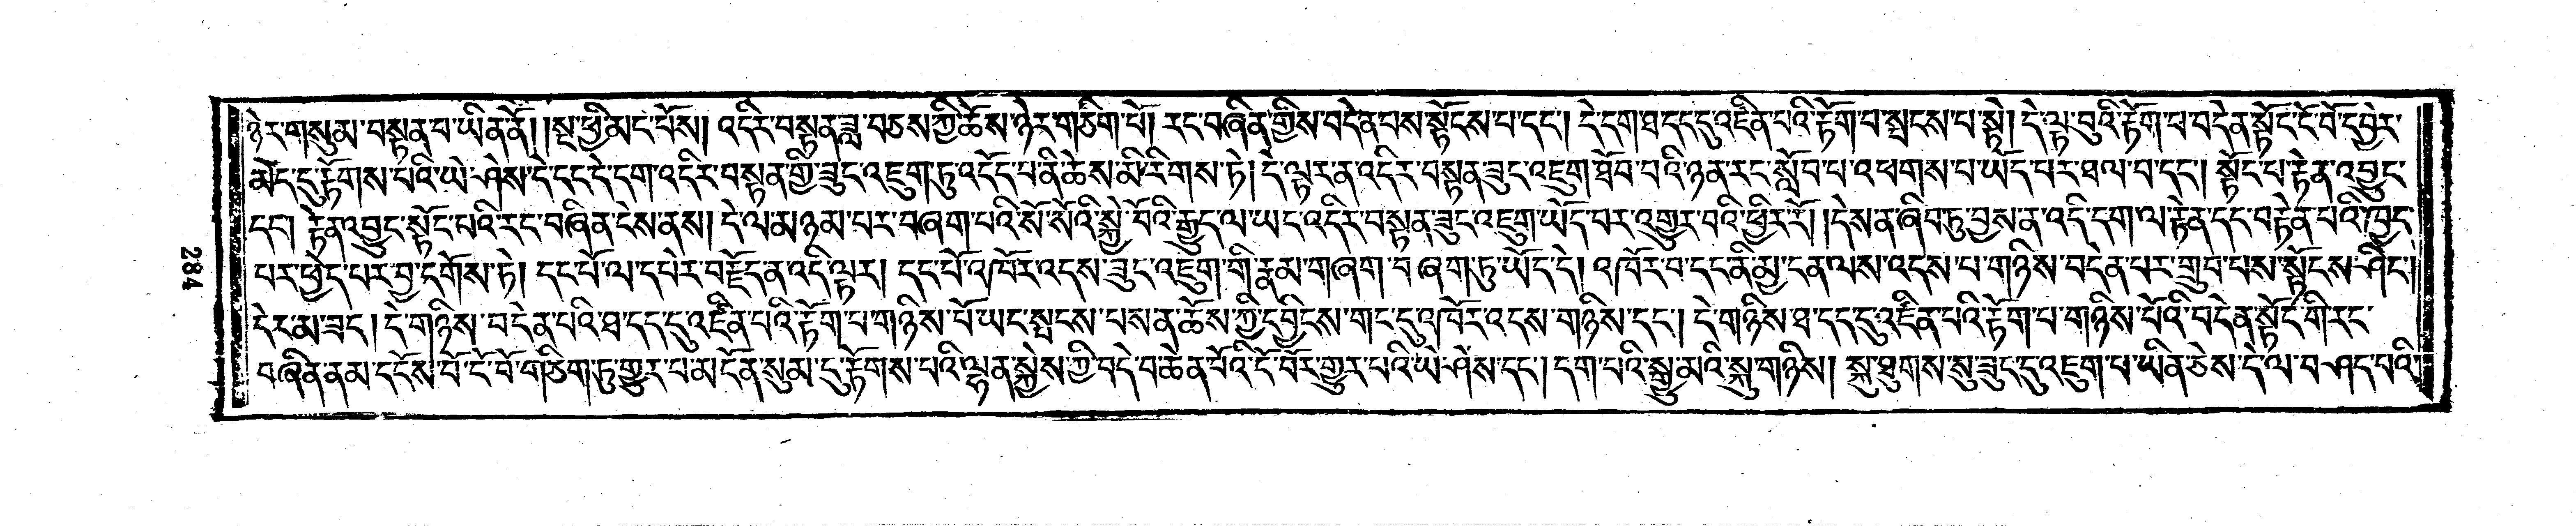ཉེར་གསུམ་བསྟན་པ་ཡིན་ནོ། །སྔ་ཕྱི་མང་པོས། འདིར་བསྟན་ཟླ་བཅས་ཀྱི་ཆོས་ཉེར་གཅིག་པོ། རང་བཞིན་གྱིས་བདེན་པས་སྟོངས་པ་དང་། དེ་དག་ཐ་དད་དུ་འཛིན་པའི་རྟོག་པ་སྤངས་པ་སྟེ། དེ་ལྟ་བུའི་རྟོག་པ་བདེན་སྟོང་ངོ་བོ་དབྱེར་
མེད་དུ་རྟོགས་པའི་ཡེ་ཤེས་དེ་དང་དེ་དག་འདིར་བསྟན་གྱི་ཟུང་འཇུག་ཏུ་འདོད་པ་ནི་ཚེས་?་མི་རིགས་ཏེ། དེ་ལྟར་ན་འདིར་བསྟན་ཟུང་འཇུག་ཐོབ་པའི་ཉན་རང་སློབ་པ་འཕགས་པ་ཡོད་པར་ཐལ་བ་དང་། སྟོང་པ་རྟེན་འབྱུང་
དང་། རྟེན་འབྱུང་སྟོང་པའི་རང་བཞིན་ངེས་ནས། དེ་ལ་མཉམ་པར་བཞག་པའི་སོ་སོའི་སྐྱེ་བོའི་རྒྱུད་ལ་ཡང་འདིར་བསྟན་ཟུང་འཇུག་ཡོད་པར་འགྱུར་བའི་ཕྱིར་རོ། །དེས་ན་ཞིབ་ཏུ་བྱས་ན་འདི་དག་ལ་རྟེན་དང་བརྟེན་པའི་ཁྱད་
པར་ཕྱེད་པར་བྱ་དགོས་ཏེ། དང་པོ་ལ་དཔེར་བརྗོད་ན་འདི་ལྟར། དང་པོ་འཁོར་འདས་ཟུང་འཇུག་གི་རྣམ་གཞག་བཞག་ཏུ་ཡོད་དེ། འཁོར་བ་དང་ནི་མྱ་ངན་ལས་འདས་པ་གཉིས་བདེན་པར་གྲུབ་པས་སྟོངས་ཤིང་།
དེར་མ་ཟད། དེ་གཉིས་བདེན་པའི་ཐ་དད་དུ་འཛིན་པའི་རྟོག་པ་གཉིས་པོ་ཡང་སྤངས་པས་ན་ཆོས་ཀྱི་དབྱིངས་གང་དུ་འཁོར་འདས་གཉིས་དང་། དེ་གཉིས་ཐ་དད་དུ་འཛིན་པའི་རྟོག་པ་གཉིས་པོའི་བདེན་སྟོང་གི་རང་
བཞིན་ནམ་དངོས་པོ་ངོ་བོ་གཅིག་ཏུ་གྱུར་པ་མངོན་སུམ་དུ་རྟོགས་པའི་ལྷན་སྐྱེས་ཀྱི་བདེ་བ་ཆེན་པོའི་ངོ་བོར་གྱུར་པའི་ཡེ་ཤེས་དང་། དག་པའི་སྒྱུ་མའི་སྐུ་གཉིས། སྐུ་ཐུགས་སུ་ཟུང་དུ་འཇུག་པ་ཡིན་ཅེས་དེ་ལ་བཤད་པའི་